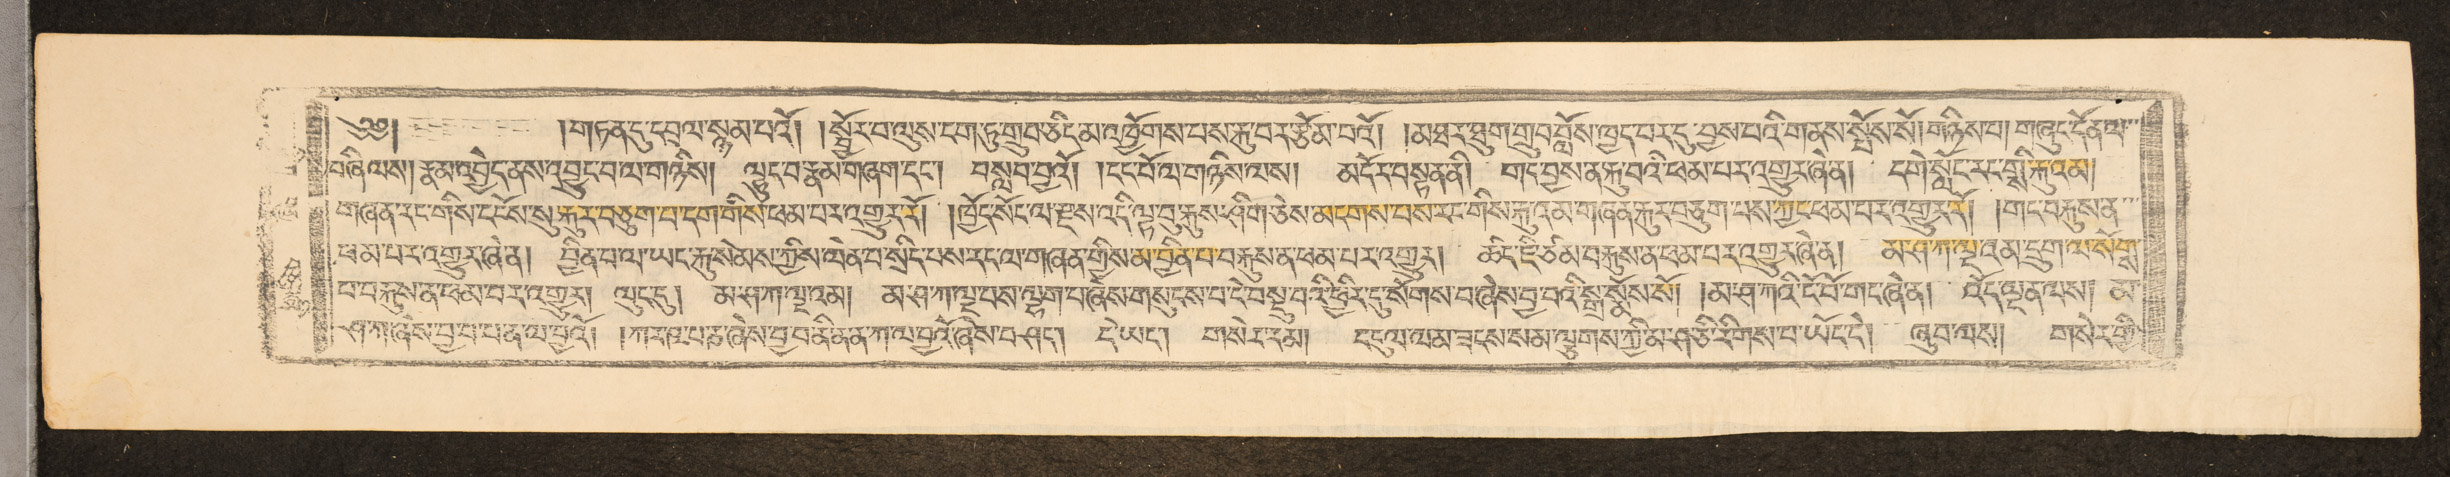༄༅། །གཏན་དུ་དབྲལ་སྙམ་པའོ། །སྦྱོར་བ་ལུས་ངག་ཏུ་གྲུབ་ཅིང་མ་འཁྱོགས་པས་རྐུ་བར་རྩོམ་པའོ། །མཐར་ཐུག་གྲུབ་བློས་ཁྱད་པར་དུ་བྱས་པའི་གནས་སྤོས་སོ། གཉིས་པ། གཞུང་དོན་ལ་
བཞི་ལས། རྣམ་འབྱེད་ནས་འབྱུང་བ་ལ་གཉིས། ལྟུང་བ་རྣམ་གཞག་དང་། བསླབ་བྱའོ། །དང་པོ་ལ་གཉིས་ལས། མདོར་བསྟན་ནི། གང་བྱས་ན་རྐུ་བའི་ཕམ་པར་འགྱུར་ཞེ་ན། དགེ་སློང་རང་གིས་རྐུ་འམ།
གཞན་རང་གིས་དངོས་སུ་རྐུར་བཅུག་པ་དག་གིས་ཕམ་པར་འགྱུར་རོ། །ཁྱོད་སོང་ལ་རྫས་འདི་ལྟ་བུ་རྐུས་ཤིག་ཅེས་མངགས་པས་རང་གིས་རྐུ་འམ་གཞན་རྐུར་བཅུག་པས་ཀྱང་ཕམ་པར་འགྱུར་རོ། །གང་བརྐུས་ན་
ཕམ་པར་འགྱུར་ཞེ་ན། བྱིན་པ་ལ་ཡང་རྐུ་སེམས་ཀྱིས་ལེན་པ་སྲིད་པས་རང་ལ་གཞན་གྱིས་མ་བྱིན་པ་བརྐུས་ན་ཕམ་པར་འགྱུར། ཚད་ཇི་ཙམ་བརྐུས་ན་ཕམ་པར་འགྱུར་ཞེ་ན། མ་ཤ་ཀ་ལྔ་འམ་དྲུག་ལ་སོགས་
བ་བརྐུས་ན་ཕམ་པར་འགྱུར། ལུང་དུ། མ་ཤ་ཀ་ལྔ་འམ། མ་ཤ་ཀ་ལྔ་པས་ལྷག་བ་ཞེས་གསུངས་པ་དེ་བསྡུ་བའི་ཕྱིར་དུ་སོགས་པ་ཞེས་བྱ་བའི་སྒྲ་སྨོས་སོ། །མ་ཤ་ཀའི་ངོ་བོ་གང་ཞེ་ན། འོད་ལྔན་ལས། མ་
ཤ་ཀ་ཞེས་བྱ་བ་པ་ན་ལ་བྱའོ། །ཀར་ཥ་པ་ཎ་ཞེས་བྱ་བ་ནི་ན་ན་ཀ་ལ་བྱའོ་ཞེས་བཤད། དེ་ཡང་། གསེར་རམ། དངུལ་ལམ་ཟངས་སམ་ལྕགས་ཀྱི་མ་ཤ་ཅི་རིགས་པ་ཡོད་དེ། ཞུ་བ་ལས། གསེར་གྱི་